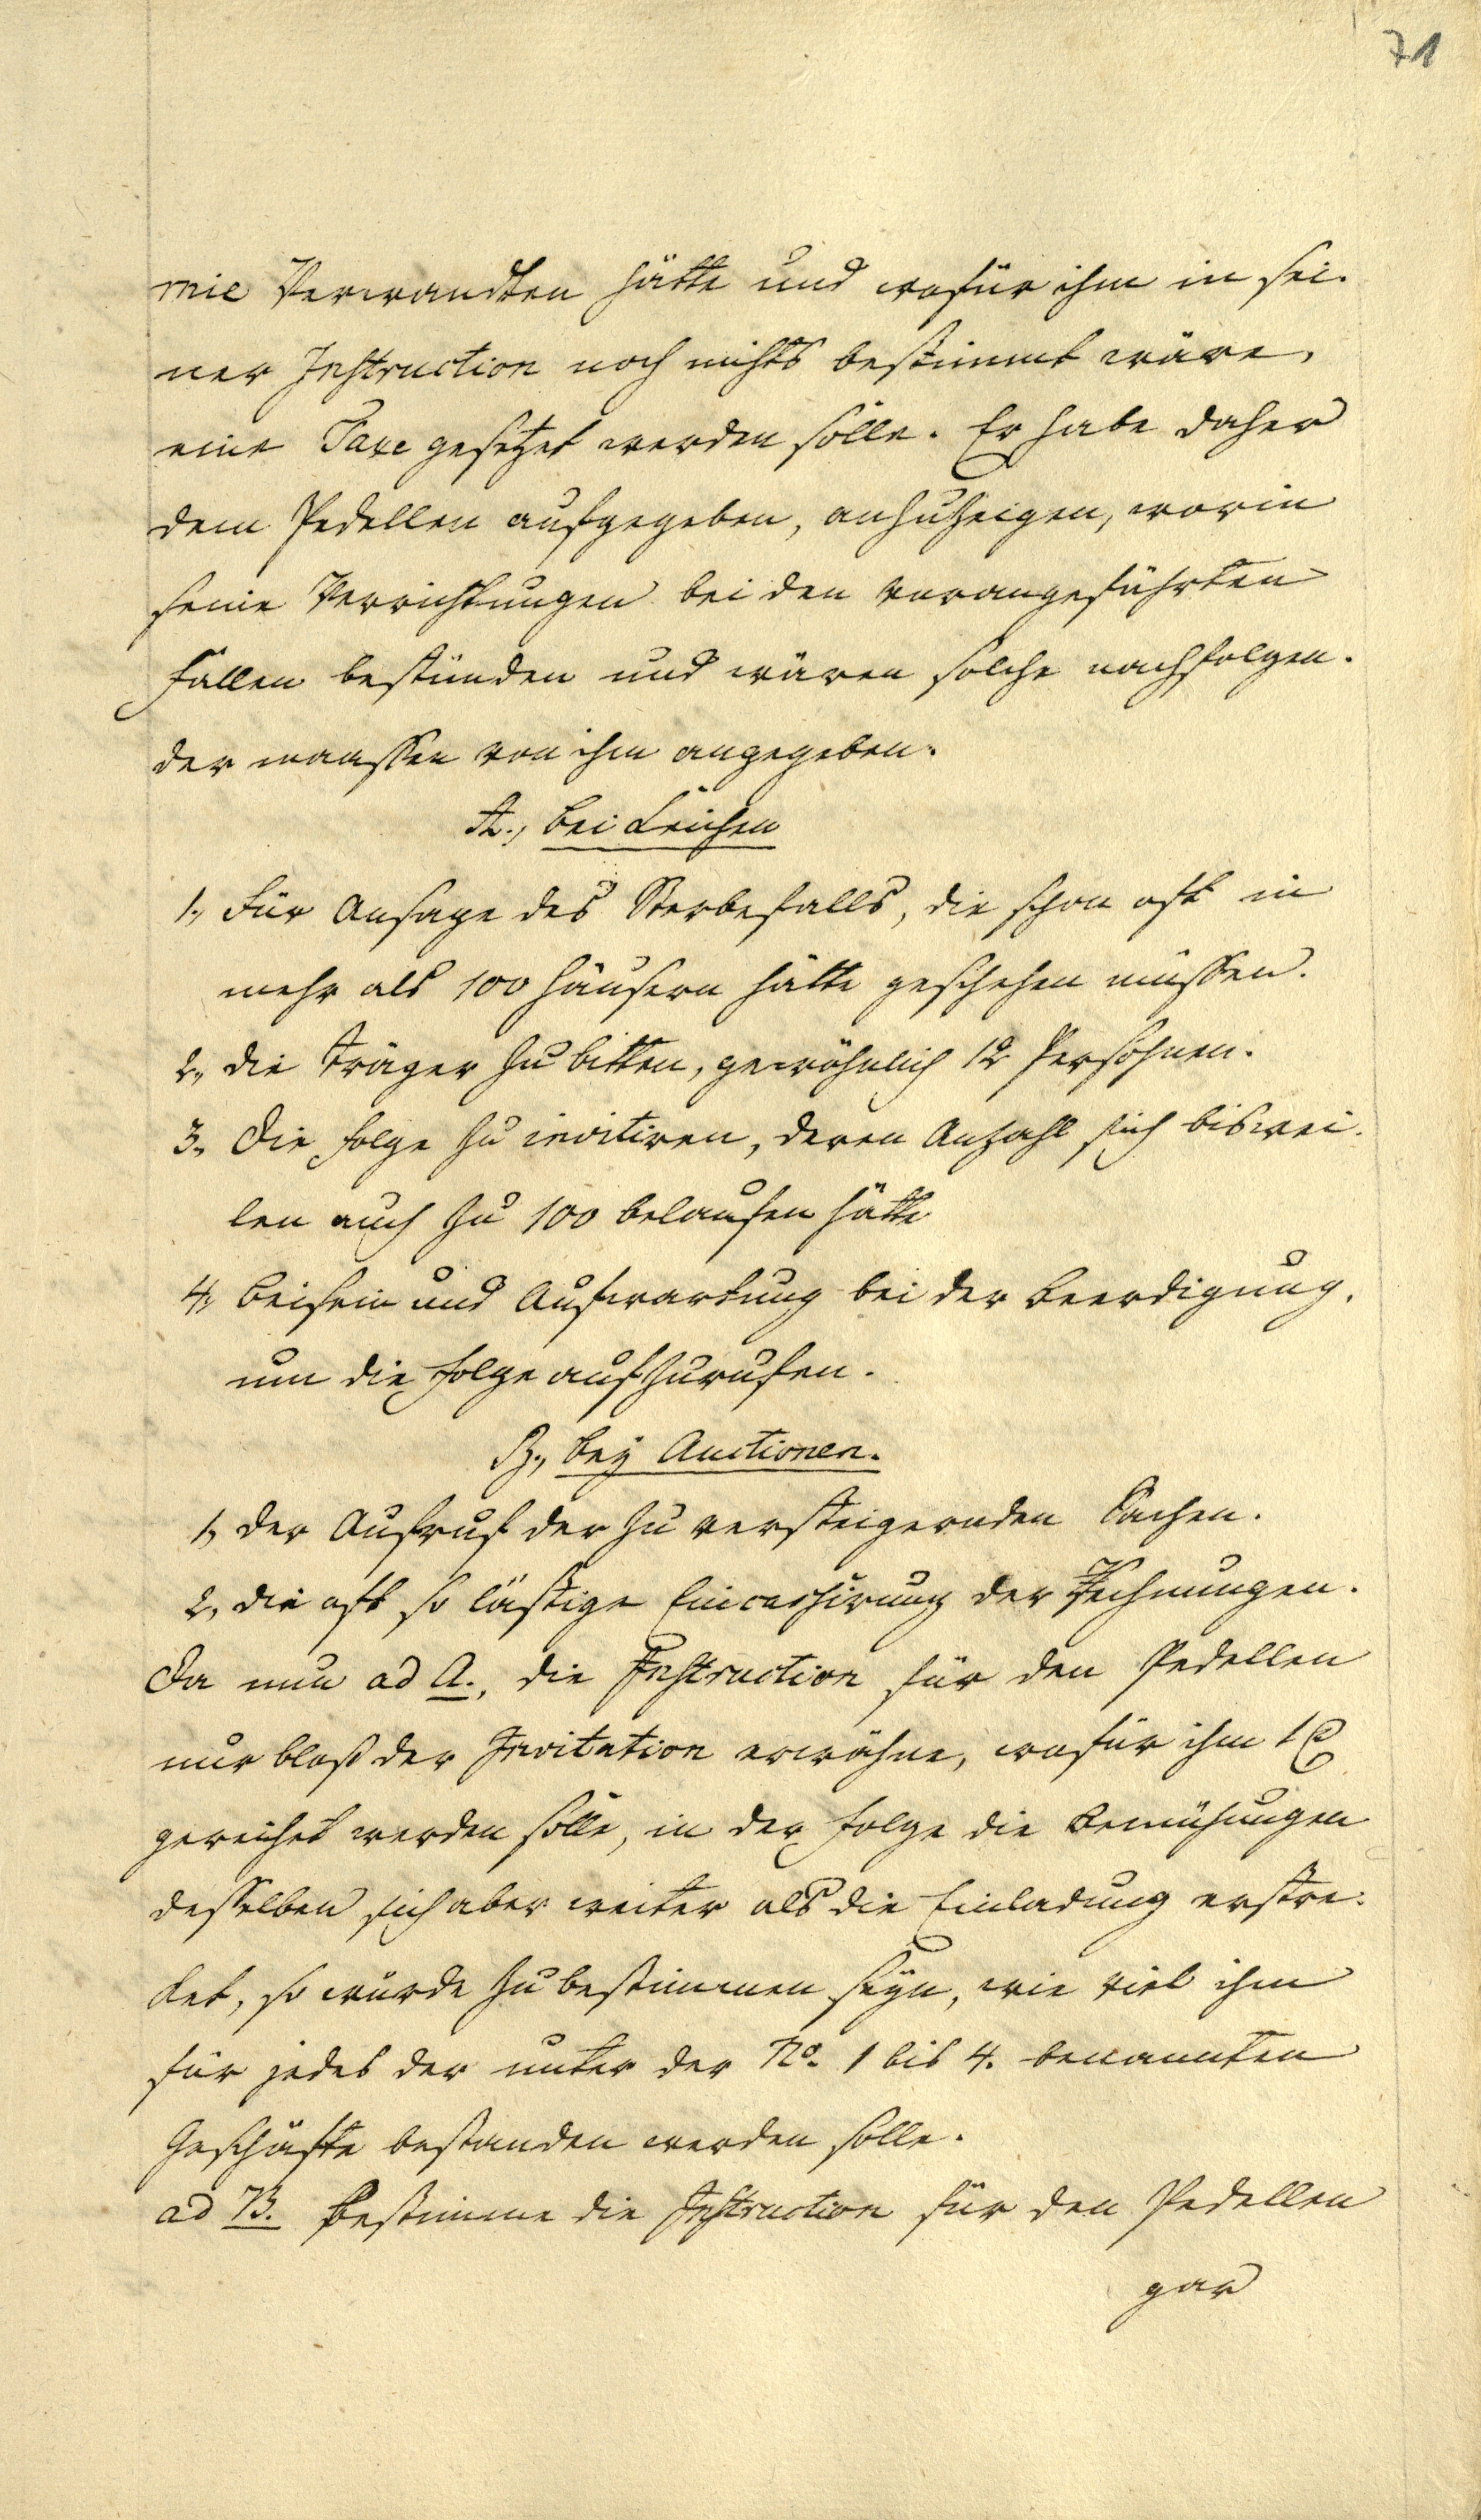mie Verwandten hätte und wofür ihm im sei¬
ner Instruction noch nichts bestimmt wäre,
eine Taxe gesetzet werden solle. Er habe daher
dem Pedellen aufgegeben, anzuzeigen, worin
seine Verrichtungen bei den vorangeführten
Fällen bestünden und wären solche nachfolgen¬
der maassen von ihm angegeben:
A., bei Leichen
1., Für Ansage des Sterbefalls, die schon oft in
mehr als 100 Häusern hätte geschehen müssen.
2., die Träger zu bitten, gewöhnlich 12 Persohnen.
3., Die Folge zu invitiren, deren Anzahl sich biswei¬
len auch zu 100 belaufen hätte
4., Beisein und Aufwartung bei der Beerdigung,
um die Folge aufzurufen.
B., bey Auctionen.
1, der Aufruf der zu versteigernden Sachen.
2., die oft so lästige Eincassirung der Rechnungen.
Da nun ad A., die Instruction für den Pedellen
nur bloß der Invitation erwähne, wofür ihm 1l.
gereichet werden solle, in der Folge die Bemühungen
desselben sich aber weiter als die Einladung erstre¬
ket, so würde zu bestimmen seÿn, wie viel ihm
für jedes der unter der No. 1 bis 4. benannten
Geschäfte bestanden werden solle.
ad B. bestimme die Instruction für den Pedellen
gar